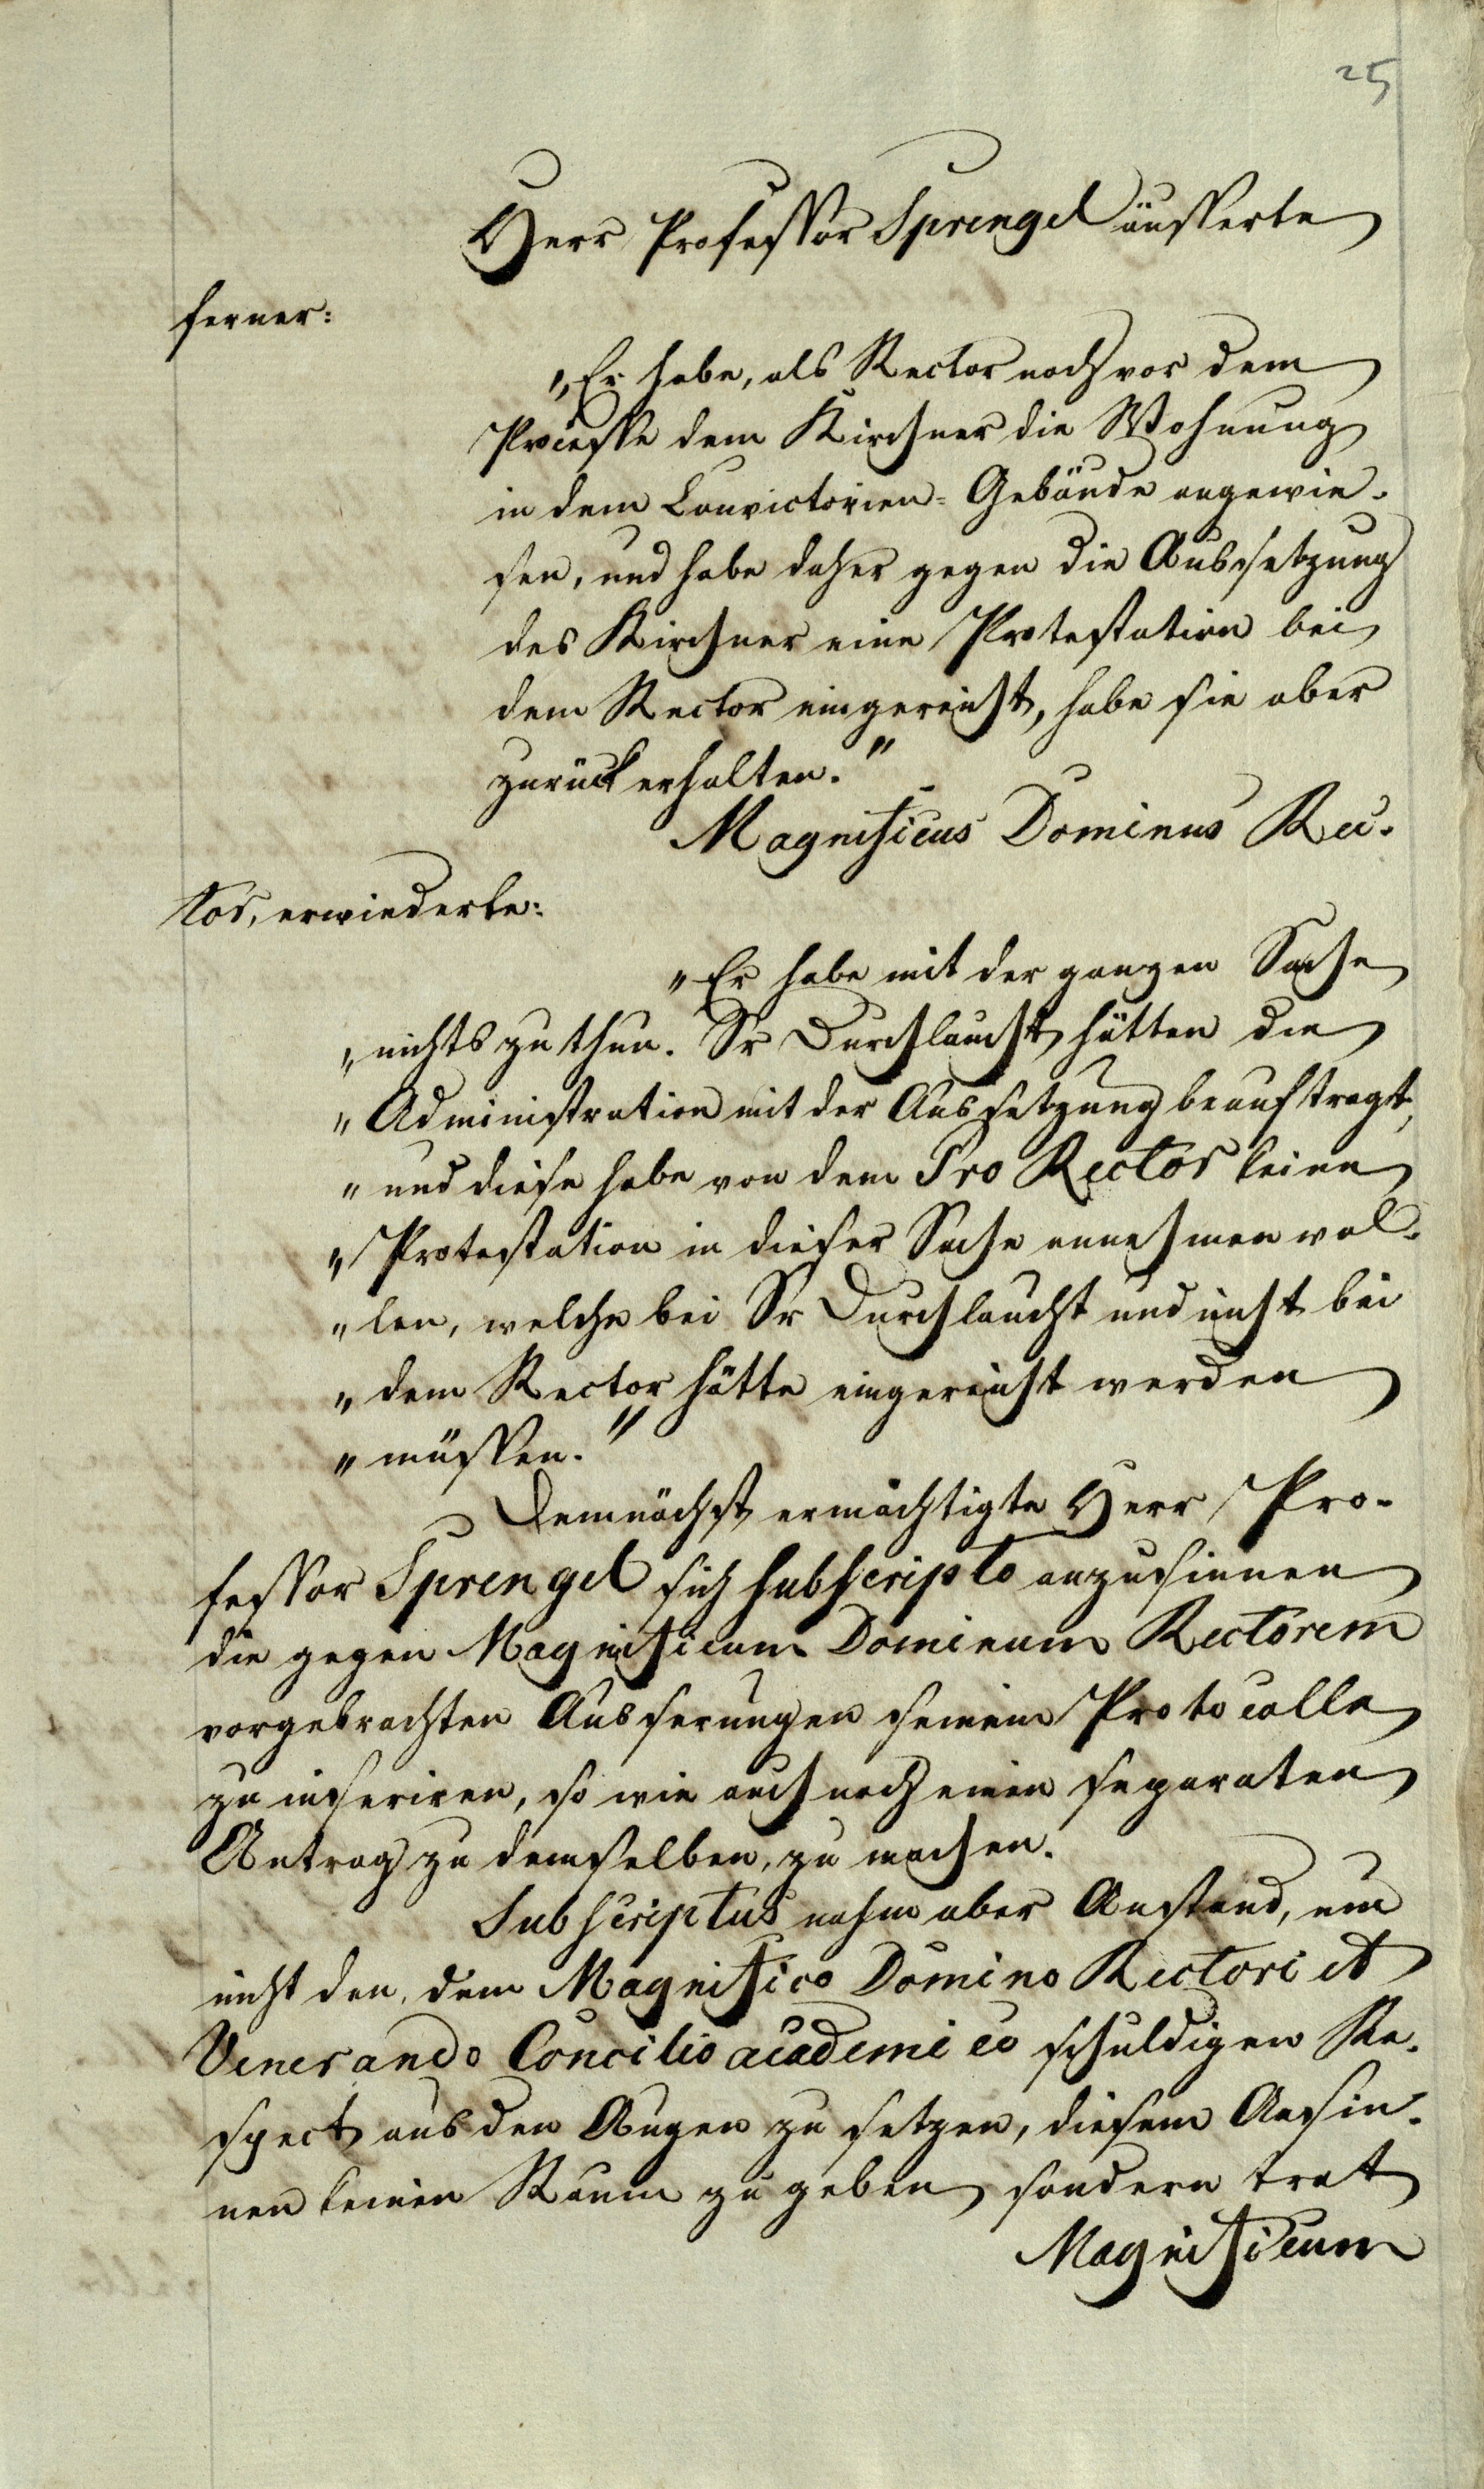Herr Professor Sprengel äusserte
ferner:
"Er habe, als Rector noch vor dem
Processe dem Kirchner die Wohnung
in dem Convictorien-Gebäude angewie¬
sen, und habe daher gegen die Aussetzung
des Kirchner eine Protestation bei
dem Rector eingereicht, habe sie aber
zurück erhalten."
Magnificus Dominus Rec¬
tor, erwiederte:
"Er habe mit der ganzen Sache
nichts zu thun. Sr Durchlaucht hätten die
Administration mit der Aussetzung beauftragt,
und diese habe von dem Pro Rector keine
Protestation in dieser Sache annehmen wol¬
len, welche bei Sr Durchlaucht und nicht bei
dem Rector hätte eingereicht werden
müssen."
Demnächst ermächtigte Herr Pro¬
fessor Sprengel sich subscripto anzusinnen
die gegen Magnificum Dominum Rectorem
vorgebrachten Äusserungen seinem Protocolla
zu inseriren, so wie auch nach einem separaten
Antrag zu demselben, zu machen.
Subscriptus nahm aber Anstand, um
nicht den, dem Magnifico Domino Rectori et
Venerando Concilio academico schuldigen Re¬
spect aus den Augen zu setzen, diesem Ansin¬
nen keinen Raum zu geben sondern trat
Magnificum